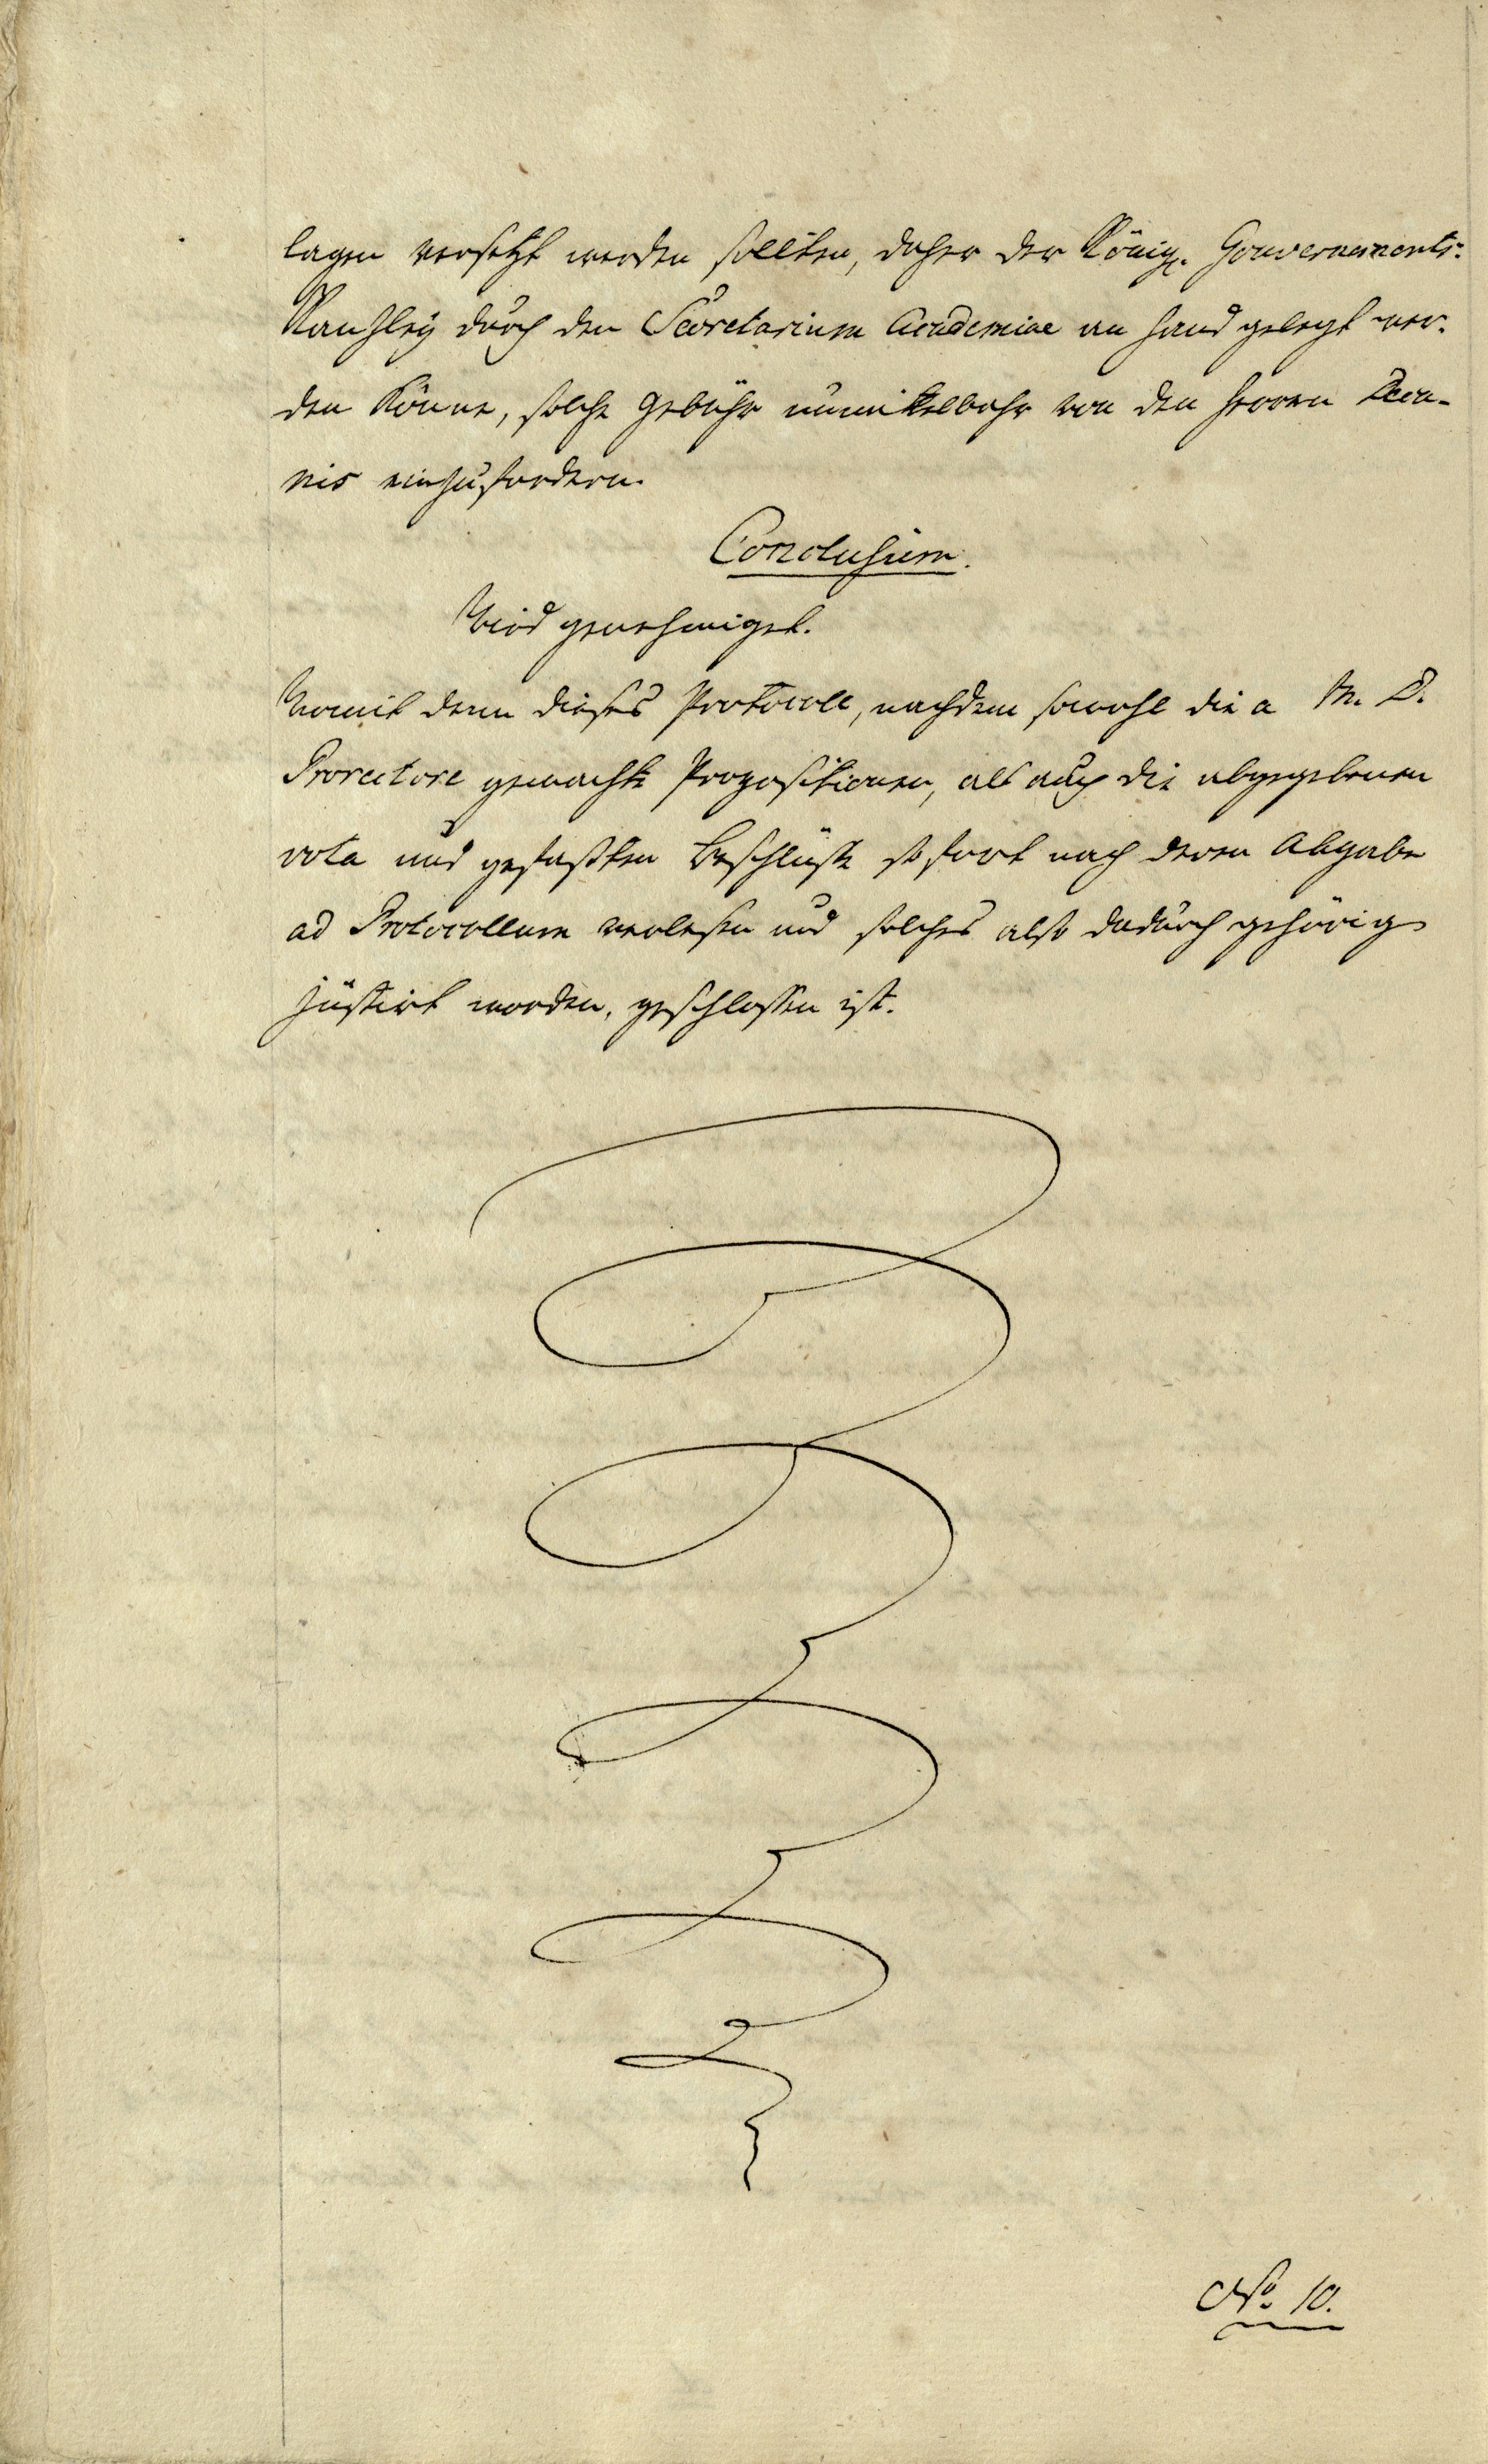lagen versetzt werden sollten, daher der König. Gouvernements-
Kanzleÿ durch den Secretarium Academiae an Hand gelegt wer¬
den könne, solche Gebühr unmittelbahr von den Herren Decan¬
nis einzufordern.
Conclusum
Wird genehmiget.
Womit denn dieses Protocoll, nachdem sowohl die a M. D.
Prorectore gemachte Propositionen, als auch die abgegebenen
vota und gefaßten Beschlüsse sofort nach deren Abgabe
ad Protocollum verlesen und solches also dadurch gehörig
justirt worden, geschlossen ist.
No 10.